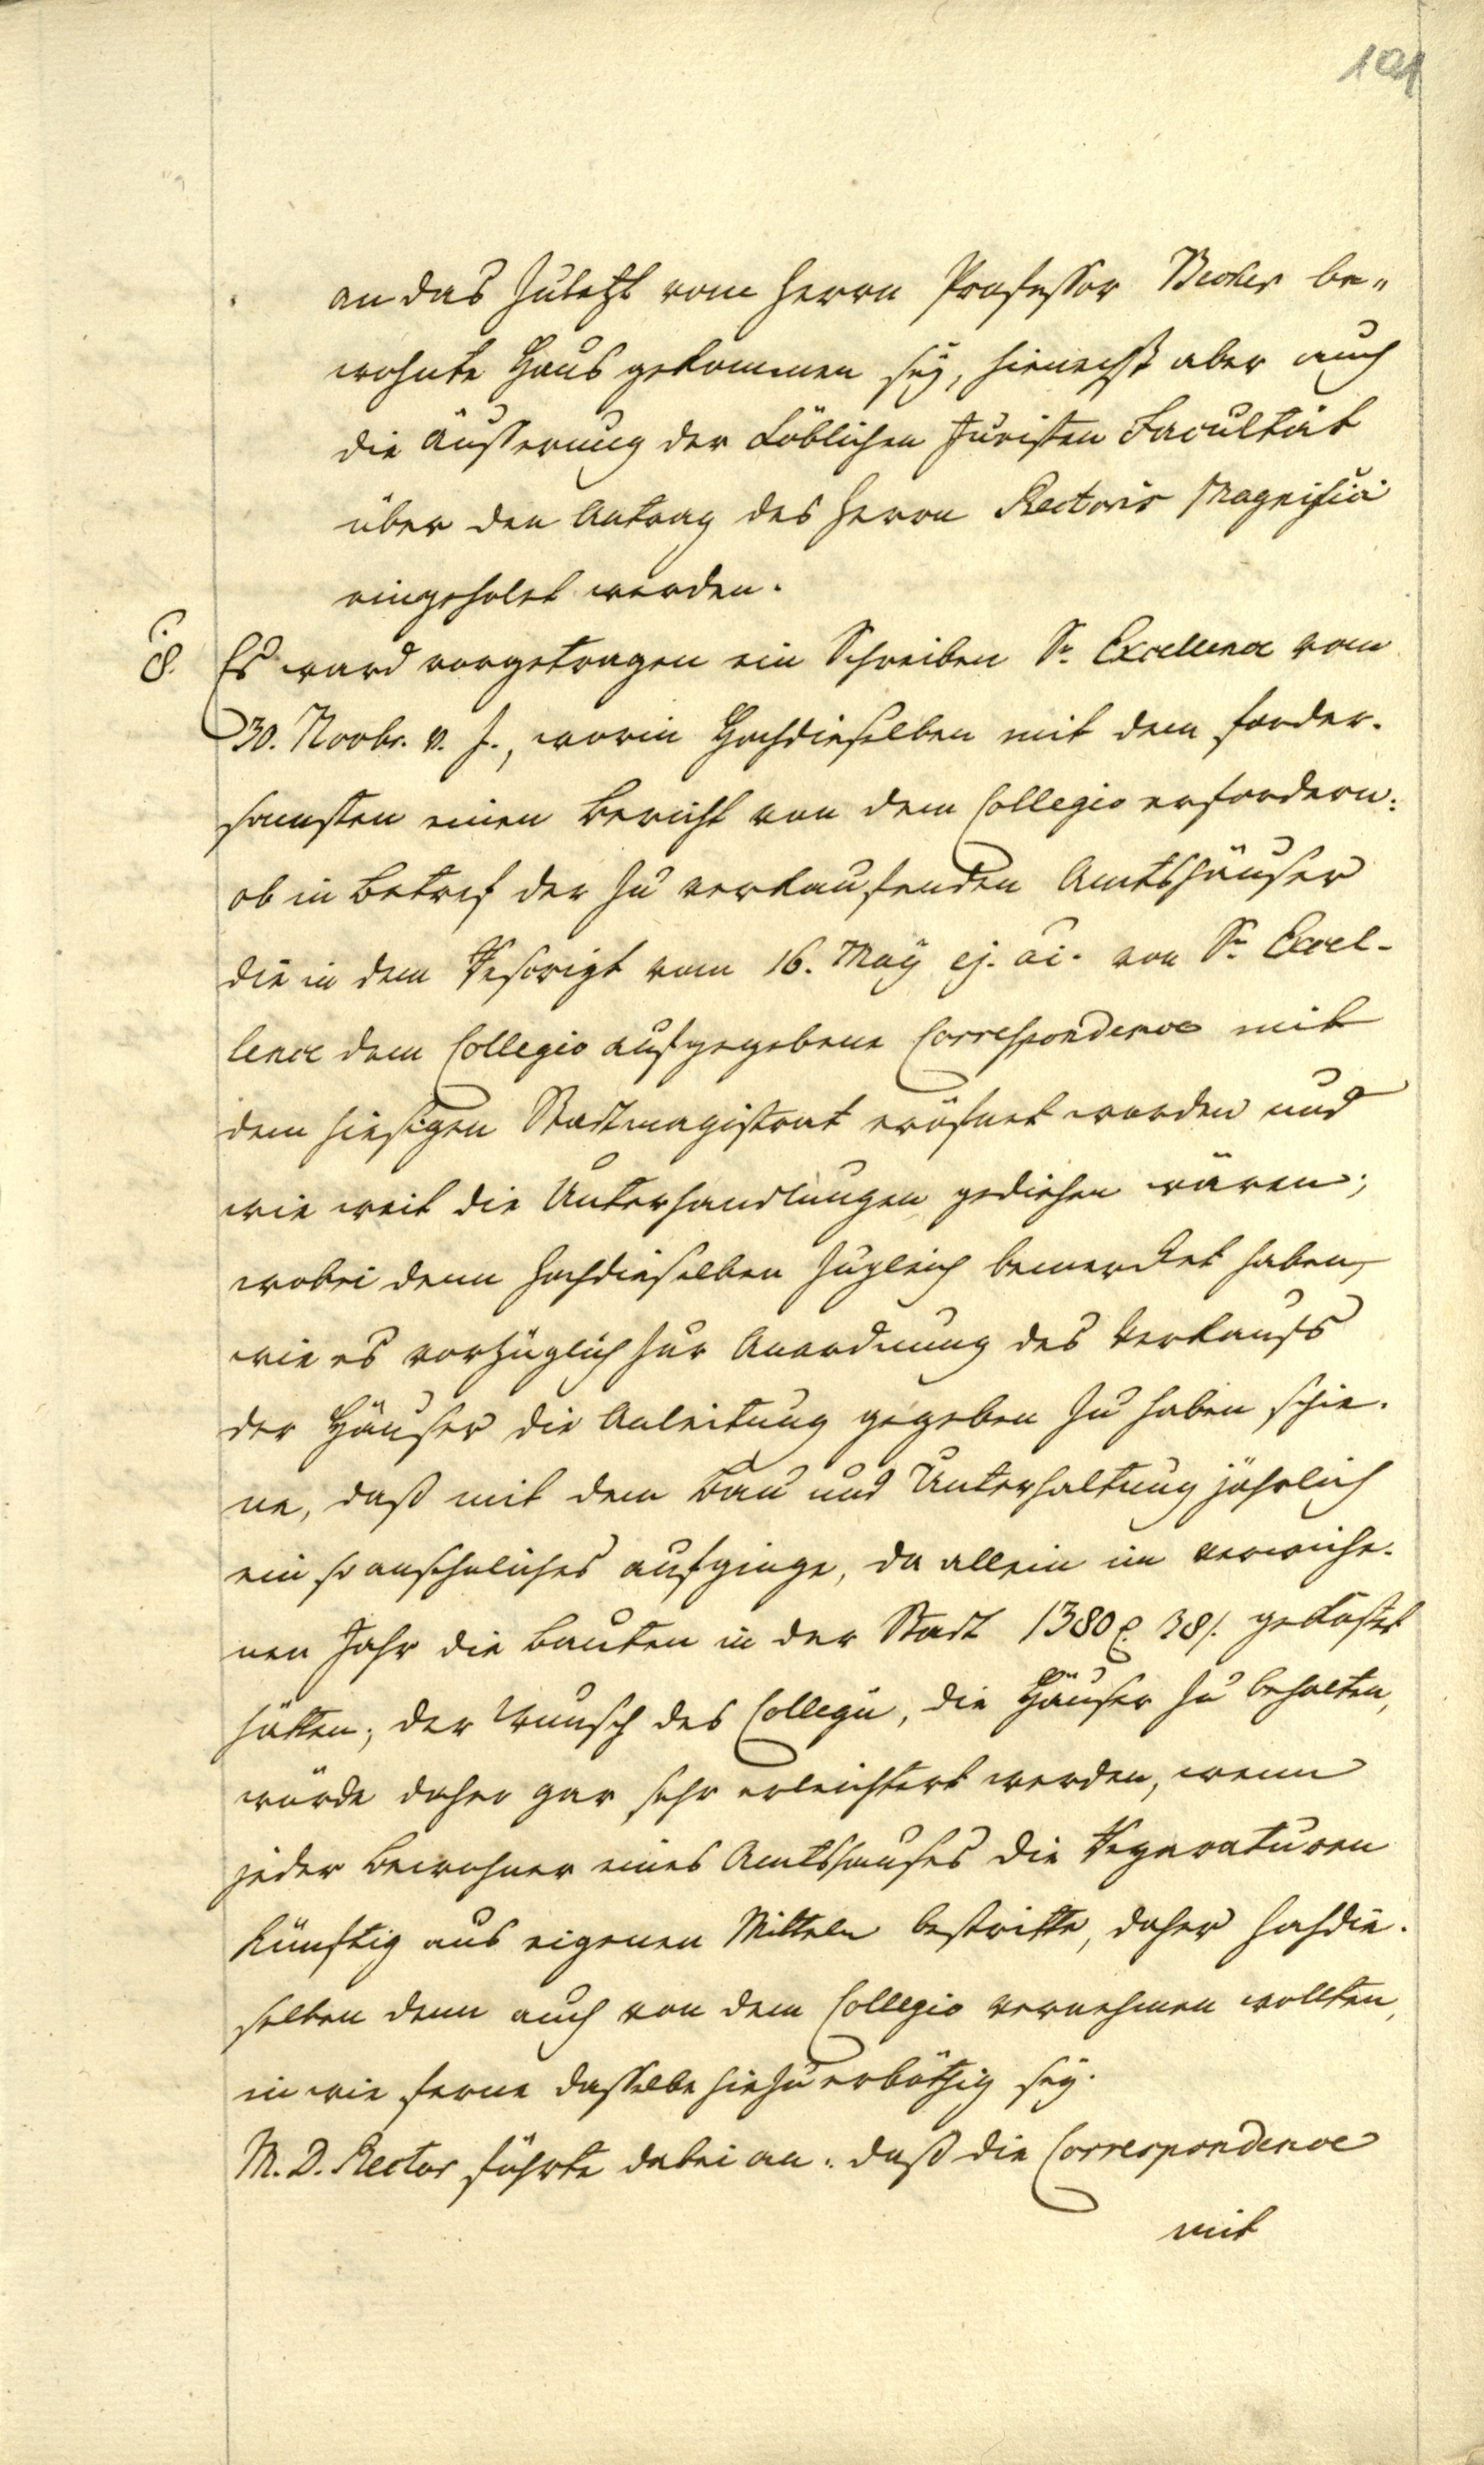an das zuletzt vom Herrn Professor Becker be¬
wohnte Haus gekommen seÿ, hienechst aber auch
die Äusserung der Löblichen Juristen Facultät
über den Antrag des Herrn Rectoris Magnifici
eingeholet werden.
8. Es ward vorgetragen ein Schreiben Sr Excellence vom
30. Novbr. v. J., worin Hochdieselben mit dem forder¬
samsten einen Bericht von dem Collegio erfordern:
ob in Betref der zu verkaufenden Amtshäuser
die in dem Rescript vom 16. Maÿ ej. ai. von Sr Excel¬
lence dem Collegio aufgegebene Correspondence mit
dem hiesigen Stadtmagistrat eröfnet worden und
wie weit die Unterhandlungen gediehen wären;
wobei denn Hochdieselben zugleich bemercket haben,
wie es vorzüglich zur Anordnung des Verkaufs
der Häuser die Anleitung gegeben zu haben schie¬
ne, daß mit dem Bau und Unterhaltung jährlich
ein so ansehnliches aufginge, da allein im verwiche¬
nen Jahr die Bauten in der Stadt 1380 l. 38 s. gekostet
hätten, der Wunsch des Collegii, die Häuser zu behalten,
würde daher gar sehr erleichtert werden, wenn
jeder Bewohner eines Amtshauses die Reparaturen
künftig aus eigenen Mitten bestritte, daher Hochdie¬
selben denn auch von dem Collegio vernehmen wollten,
in wie ferne dasselbe hiezu erböthig seÿ.
M. D. Rector führte dabei an: daß die Correspondence
mit